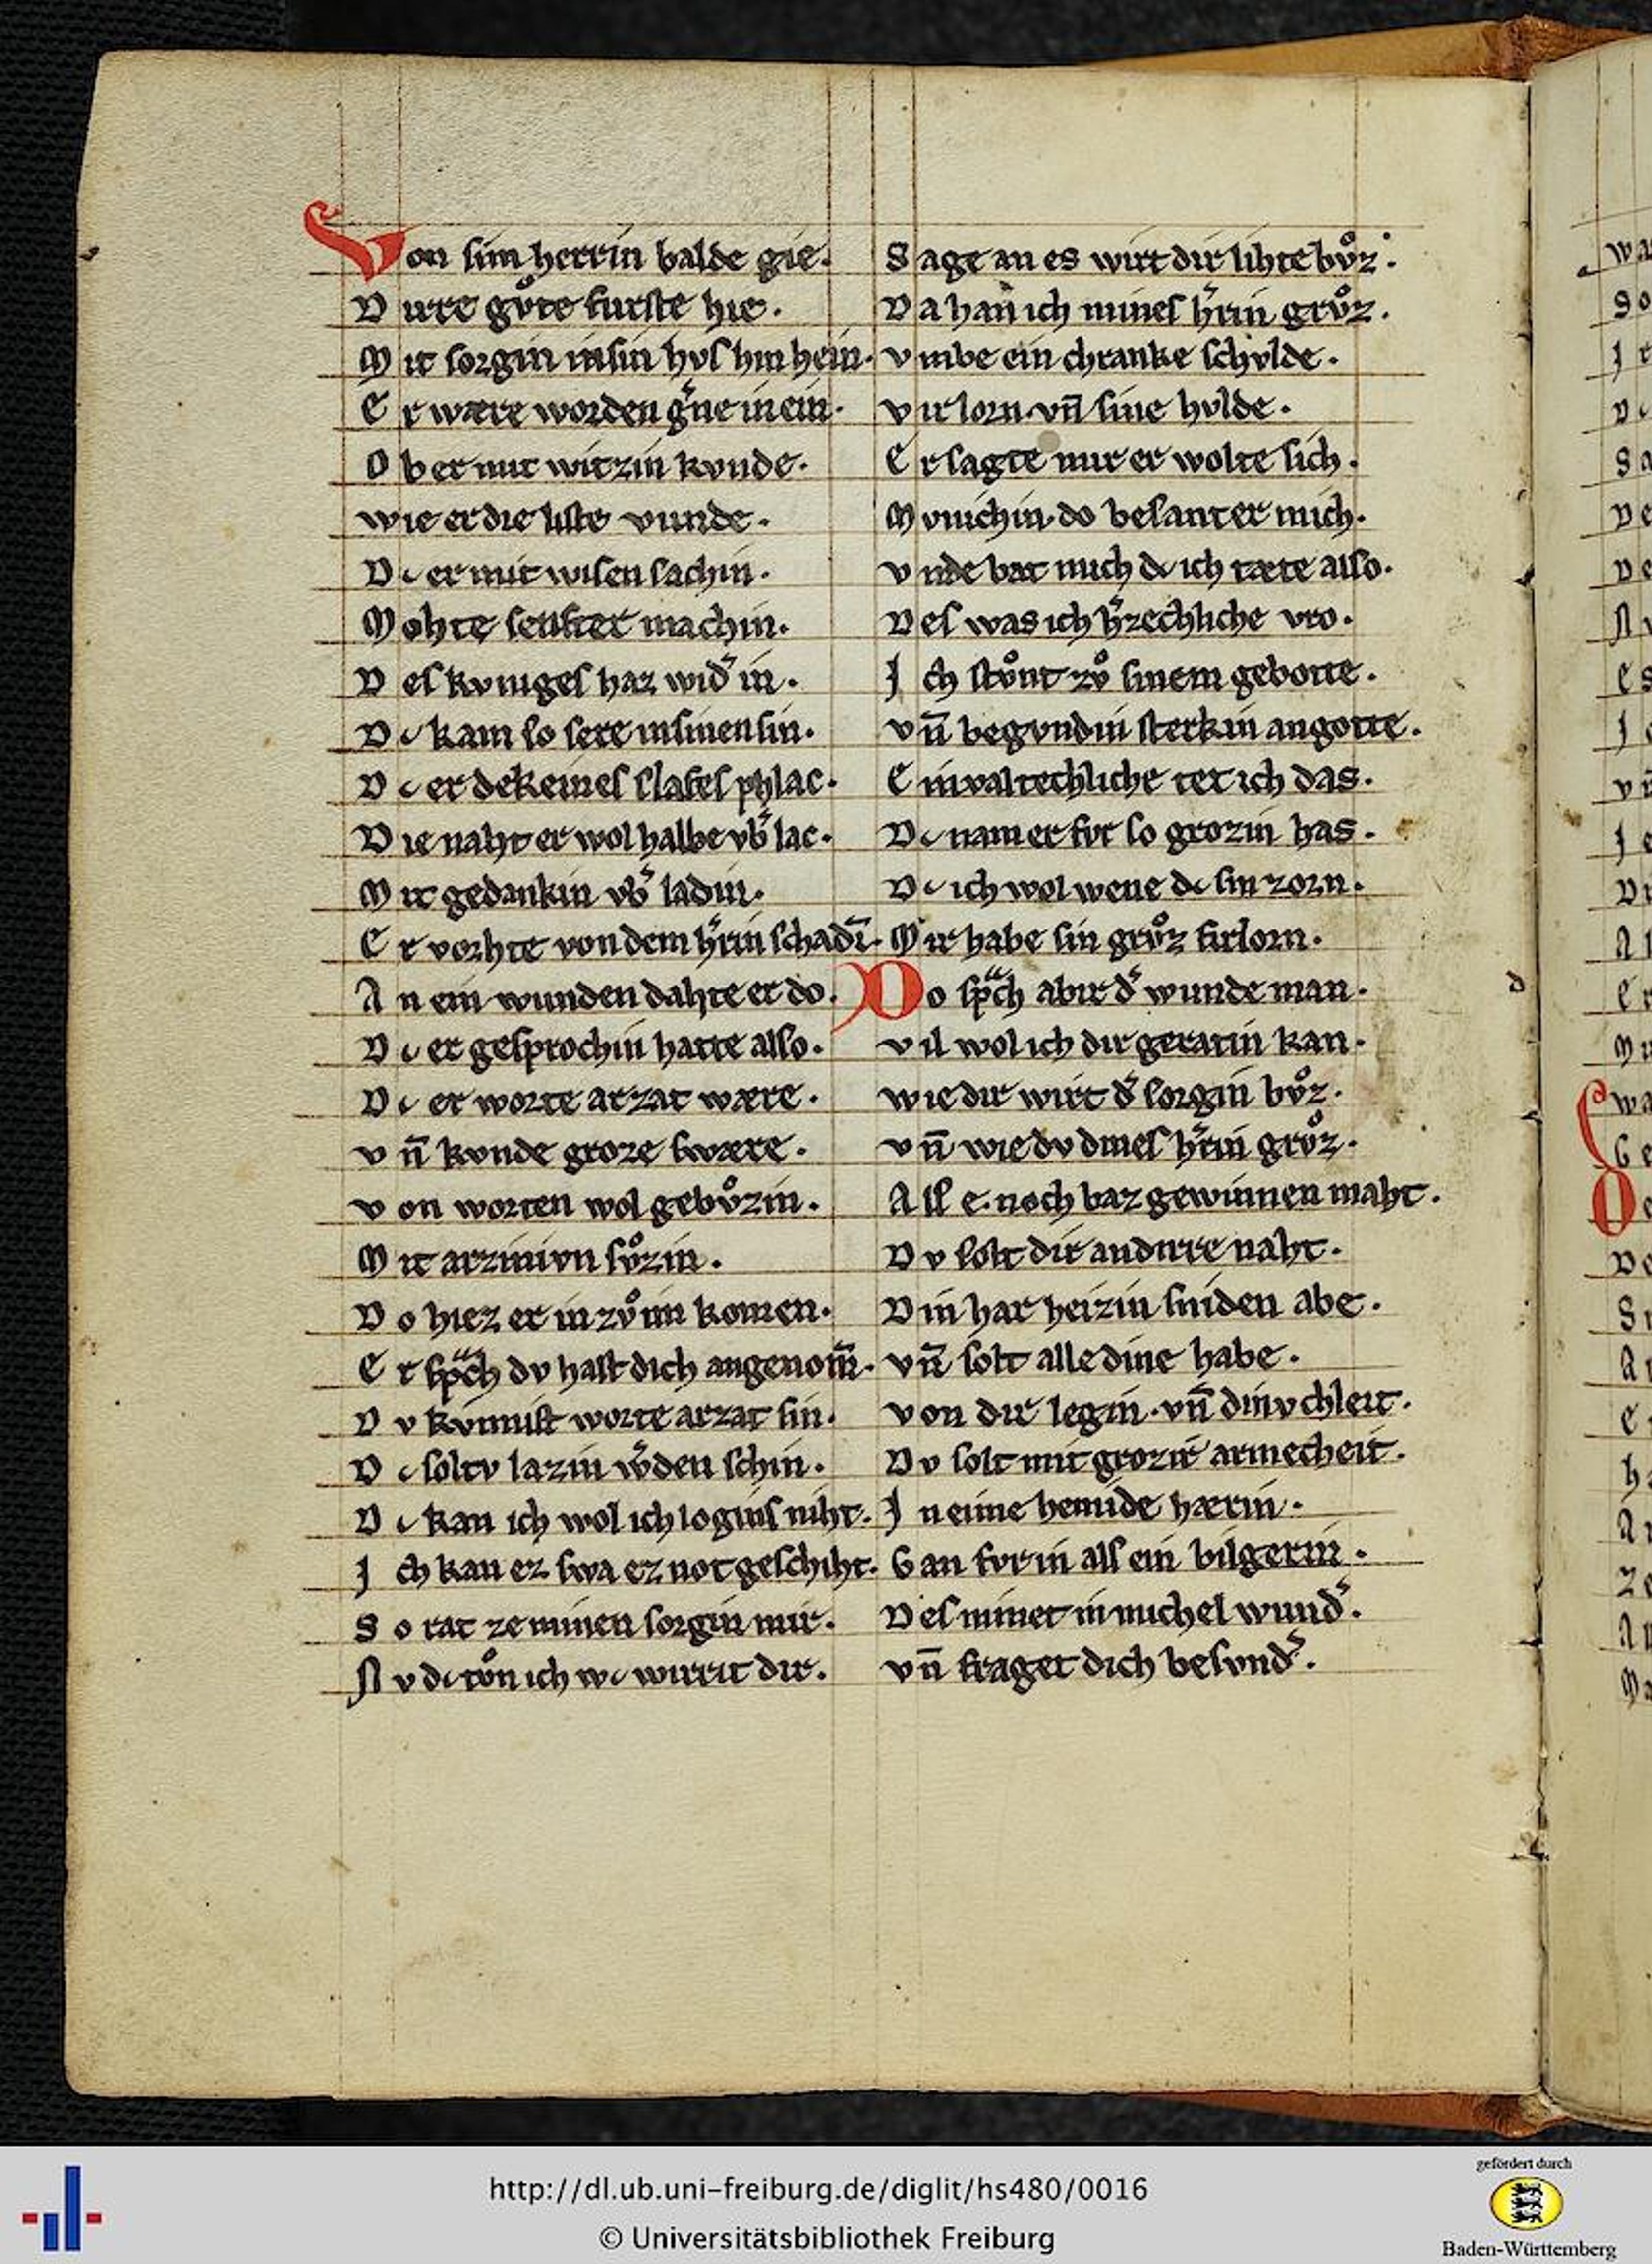*Von ſim herrin balde gie.
Dirre gv°ote furſte hie.
Mit ſorgin inſin hvſ hin hein.
Er w[ae]re worden g(er)ne in ein.
Ob er mit witzin kvnde.
Wie er die liſte vunde.
D(az) er mit wiſen ſachin.
Mohte ſenfter machin.
Deſ kvnigeſ haz wid(er) in.
D(az) kam ſo ſere inſinen ſin.
D(az) er dekeineſ ſlafeſ phlac.
Die naht er wol halbe vb(er) lac.
Mit gedankin vb(er) ladin.
Er vorhte von dem h(er)rin ſchadi(n).
An ein wunden dahte er do.
D(az) er geſprochin hatte alſo.
D(az) er worte arzat w[ae]re.
Vn(d) kvnde groze ſw[ae]re.
Von worten wol gebv°ozin.
Mit arzinivn ſv°ozin.
Do hiez er in zv°o im komen.
Er sp(ra)ch dv haſt dich angenom(n).
Dv kvnniſt worte arzat ſin.
D(az) ſoltv lazin w(er)den ſchin.
D(az) kan ich wol ich loginſ niht.
Ich kan ez ſwa ez not geſchiht.
So rat ze minem ſorgin mir.
Nv d(az) tv°on ich w(az) wirrit dir.
Sage an es wirt dir lihte bv°oz.
Da han ich mineſ h(er)rin grv°oz.
Vmbe ein chranke ſchvlde.
Virlorn vn(d) ſine hvlde.
Er ſagte mir er wolte ſich.
Mvnichin do beſanter mich.
Vnde bat mich d(az) ich t[ae]te alſo.
Deſ was ich h(er)zechliche vro.
Ich ſtv°ont zv°o ſinem gebotte.
Vn(d) begvndin ſterkin angotte.
Einvaltechliche tet ich das.
D(az) nam er fvr ſo grozin has.
D(az) ich wol wene d(az) ſin zorn.
Mir habe ſin grv°oz firlorn.
*Do ſp(ra)ch abir d(er) wunde man.
Vil wol ich dir geratzin kan.
Wie dir wirt d(er) ſorgin bv°oz.
Vn(d) wie dv dineſ h(er)rin grv°oz.
Alſ e noch baz gewinnen maht.
Dv ſolt dir andirre naht.
Din har heizin ſniden abe.
Vn(d) ſolt alle dine habe.
Von dir legin. vn(d) dinv chleit.
Dv ſolt mit grozir armecheit.
In eime hemide h[ae]rin.
Gan fvr in alſ ein bilgerin.
Deſ nimet in michel wund(er).
Vn(d) fraget dich beſvnd(er).